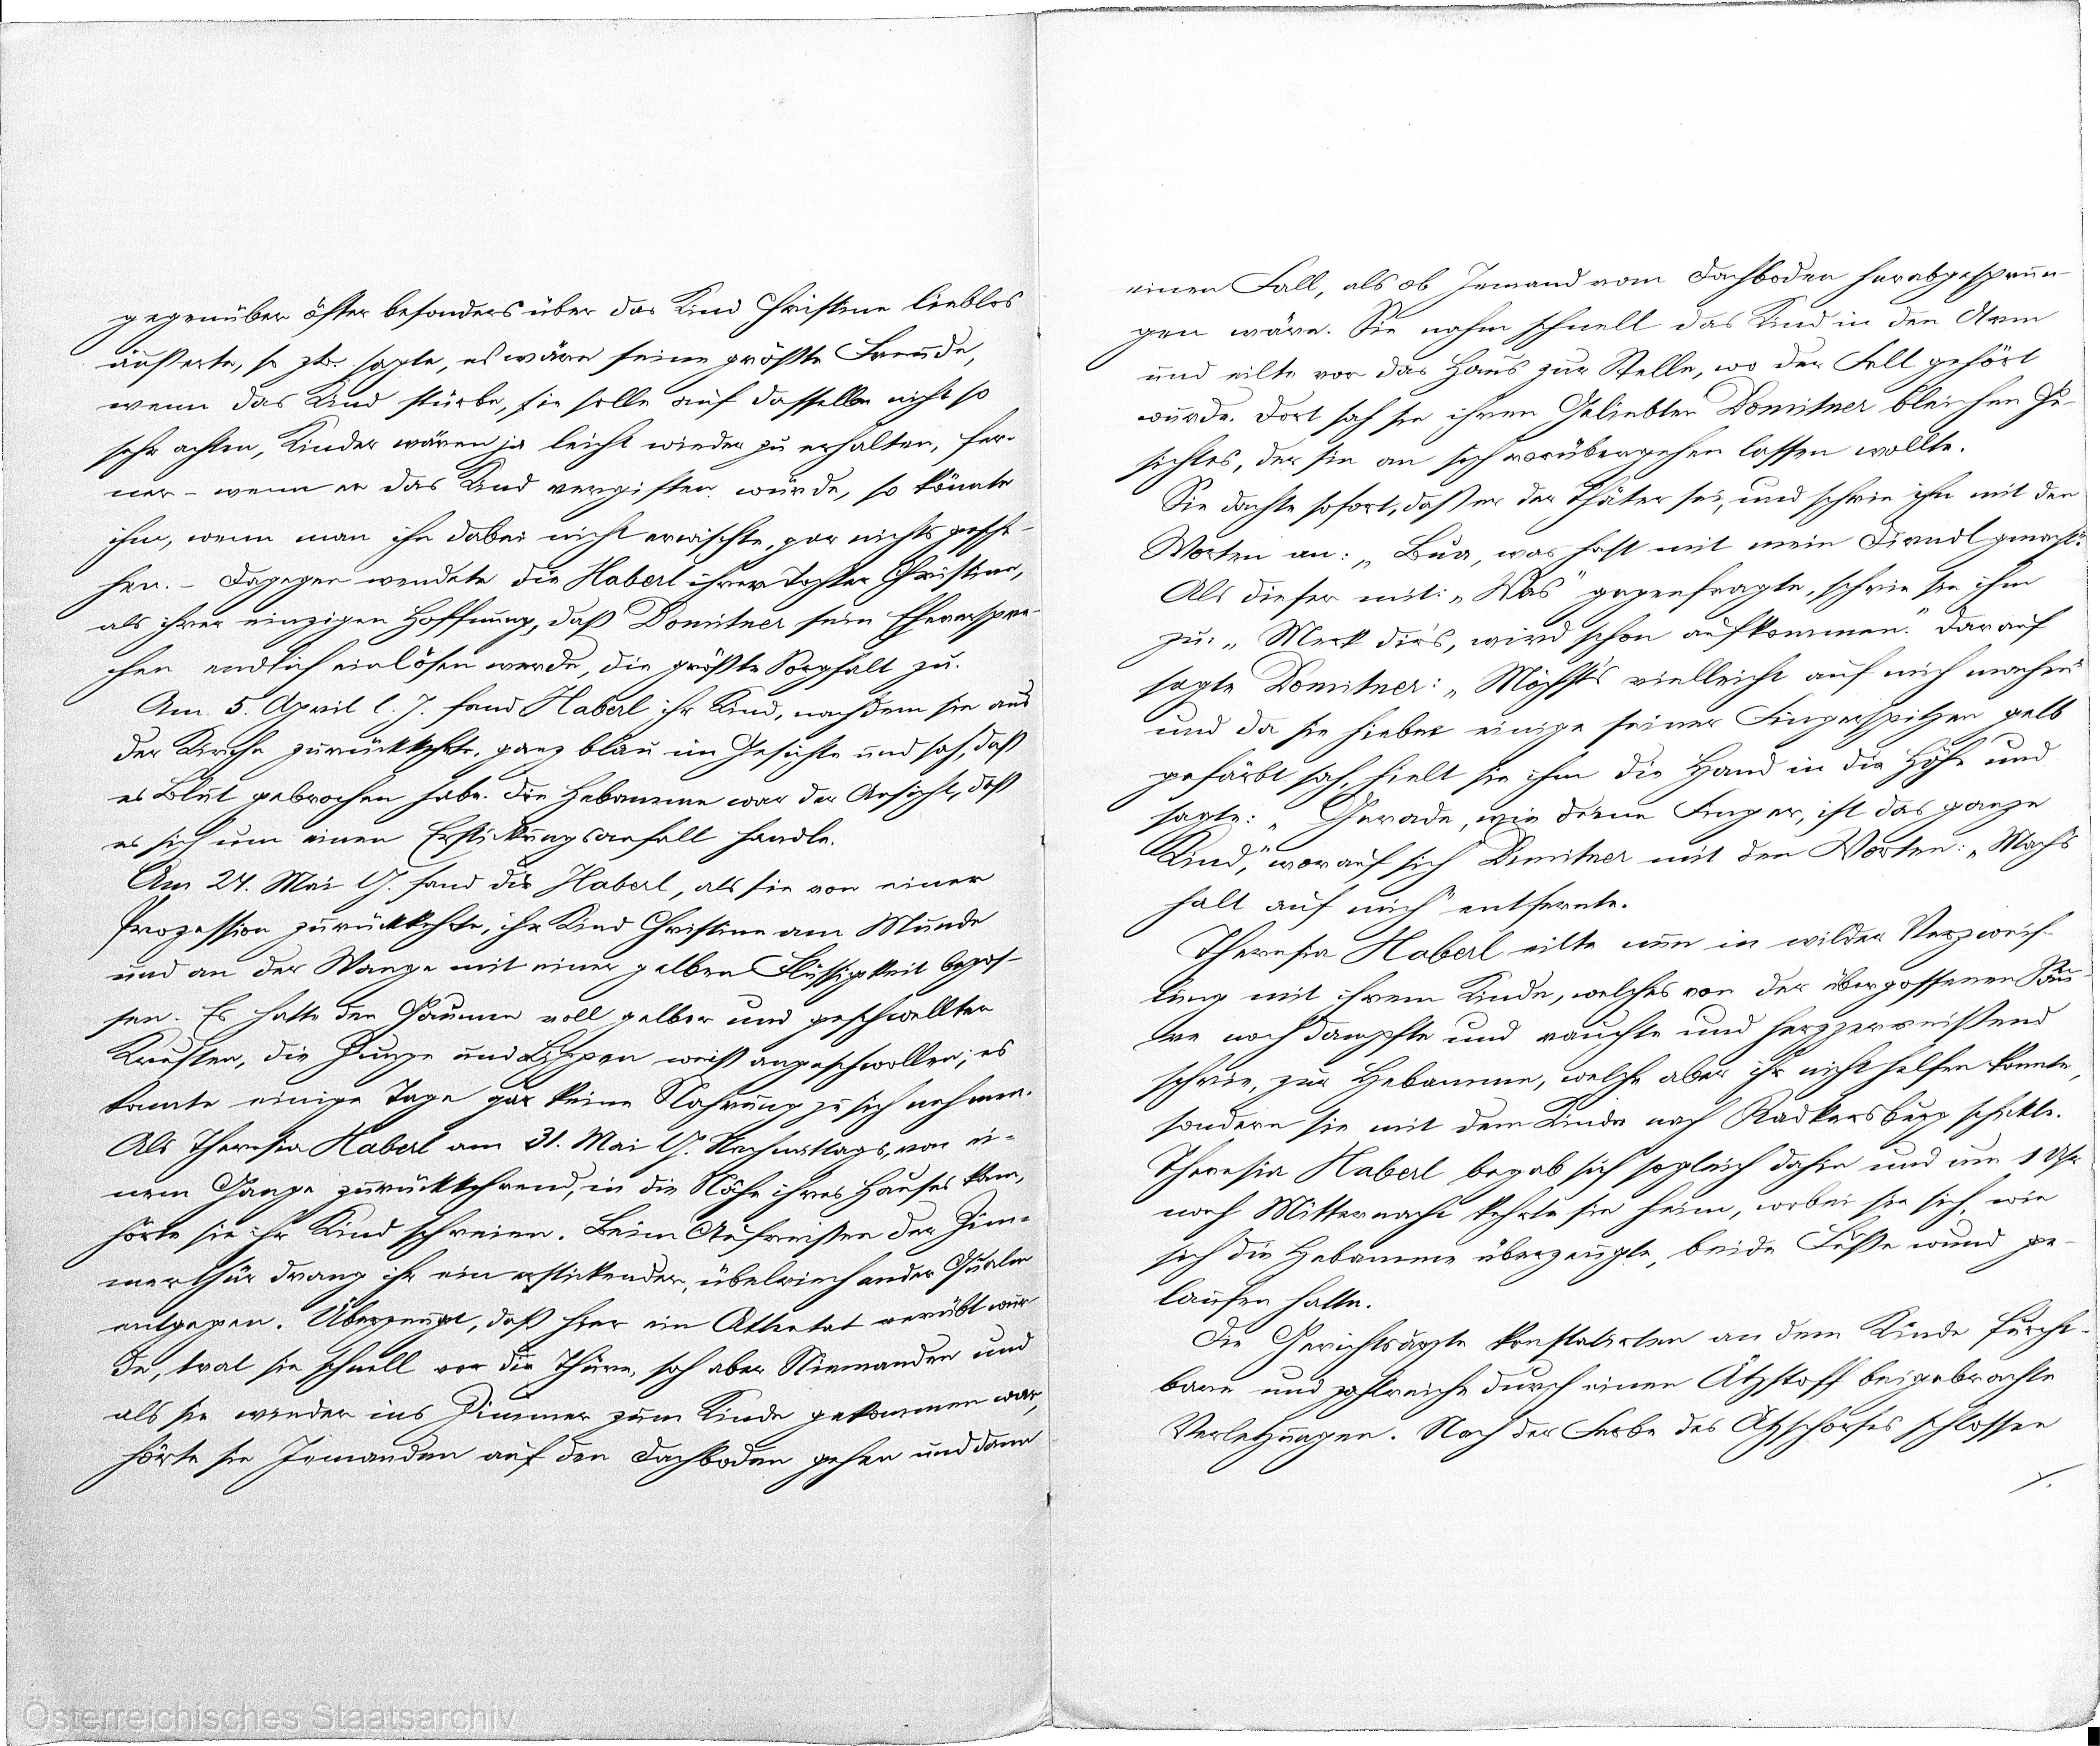gegenüber öfter besonders über das Kind Christine lieblos
äußerte, so zB sagte, es wäre seine größte Freude,
wenn das Kind stürbe, sie solle auf dasselbe nicht so
sehr achten, Kinder wären ja leicht wieder zu erhalten, fer¬
ner – wenn er das Kind vergiften würde, so könnte
ihm, wenn man ihn dabei nicht erwischte, gar nicht gesche¬
hen. Dagegen wendete die Haberl ihrer Tochter Christine
als ihrer einzigen Hoffnung, daß Domitner sein Eheverspre¬
chen endlich einlösen werde, die größte Sorgfalt zu.
Am 5. April l. J. fand Haberl ihr Kind, nachdem sie aus
der Kirche zurückkehrte, ganz blau im Gesichte und sah, daß
es Blut gebrochen habe. Die Hebamme war der Ansicht, daß
es sich um einen Erstickungsanfall handle.
Am 24. Mai lJ fand die Haberl, als sie von einer
Prozession zurückkehrte, ihr Kind Christine am Munde
und an der Wange mit einer gelben Flüßigkeit begos¬
sen. Es hatte den Gaumen voll gelber und geschwellten
Krusten, die Zunge und Lippe weiß angeschwollen; es
kannte einige Tage gar keine Nahrung zu sich nehmen.
Als Theresia Haberl am 31. Mai lJ Nachmittags, von ei¬
nem Gange zurückkehrend, in die Nähe ihres Hauses kam,
hörte sie ihr Kind schreien. Bei Aufreißen der Zim¬
merthür drang ihr ein ersticender, übelriechender Qualen
entgegen. Überzeugt, daß hier ein Attentat verübt wur¬
de, trat sie schnell vor die Thüre, sah aber Niemanden und
als sie wieder ins Zimmer zum Kind gekommen war,
hörte sie Jemanden auf den Dachboden gehen und dann
einen Fall, als ob Jemand vom Dachboden herabgesprun¬
gen wäre. Sie nahm schnell das Kind in den Arm
und eilte von das Haus zur Stelle, wo der Fall gehört
wurde. Dort sah sie ihren Geliebten Domitner bleichen Ge¬
sichtes, der sie an sich vorübergehen lassen wollte.
Sie dachte sofort, daß er der Thäter sei, und schrie ihn mit den
Worten an „Bua, was hast mit mein Dirndl gemacht.“
Als dieser mit: „Was“ gegenfragte, schrie sie ihm
zu: „Merk dir’s, wird schon aufkommen.“ Darauf
sagte Domitner: „Möchte’s vielleicht auf mich machen“
und da sie hiebei einige seiner Fingerspitzen gelb
gefärbt sah, hielt sie ihm die Hand in die Höhe und
sagte: „Gerade, wie deine Finger, ist das ganze
Kind,“ worauf sich Dimitner mit den Worten: „Mach’s
halt auf mich“ entfernte.
Theresia Haberl eilte nun in wilder Verzweif¬
lung mit ihrem Kinde, welches von der übergossenen Säu¬
re noch dampfte und rauchte und herzzerreißend
schrie, zur Hebamme, welche aber ihr nicht helfen konnte,
sondern sie mit dem Kinde nach Radkersburg schickte.
Theresia Haberl begab sich sogleich dahin und um 1Uhr
nach Mitternacht kehrte sie heim, wobei sie sich wie
sich die Hebamme überzeugte, beide Füße wund ge¬
laufen hatte.
Die Gerichtsärzte konstatirten an dem Kinde fürcht¬
bare und zahlreiche durch einen Ätzstoff beigebrachte
Verletzungen. Nach der Farbe des Ätzschorses schlossen